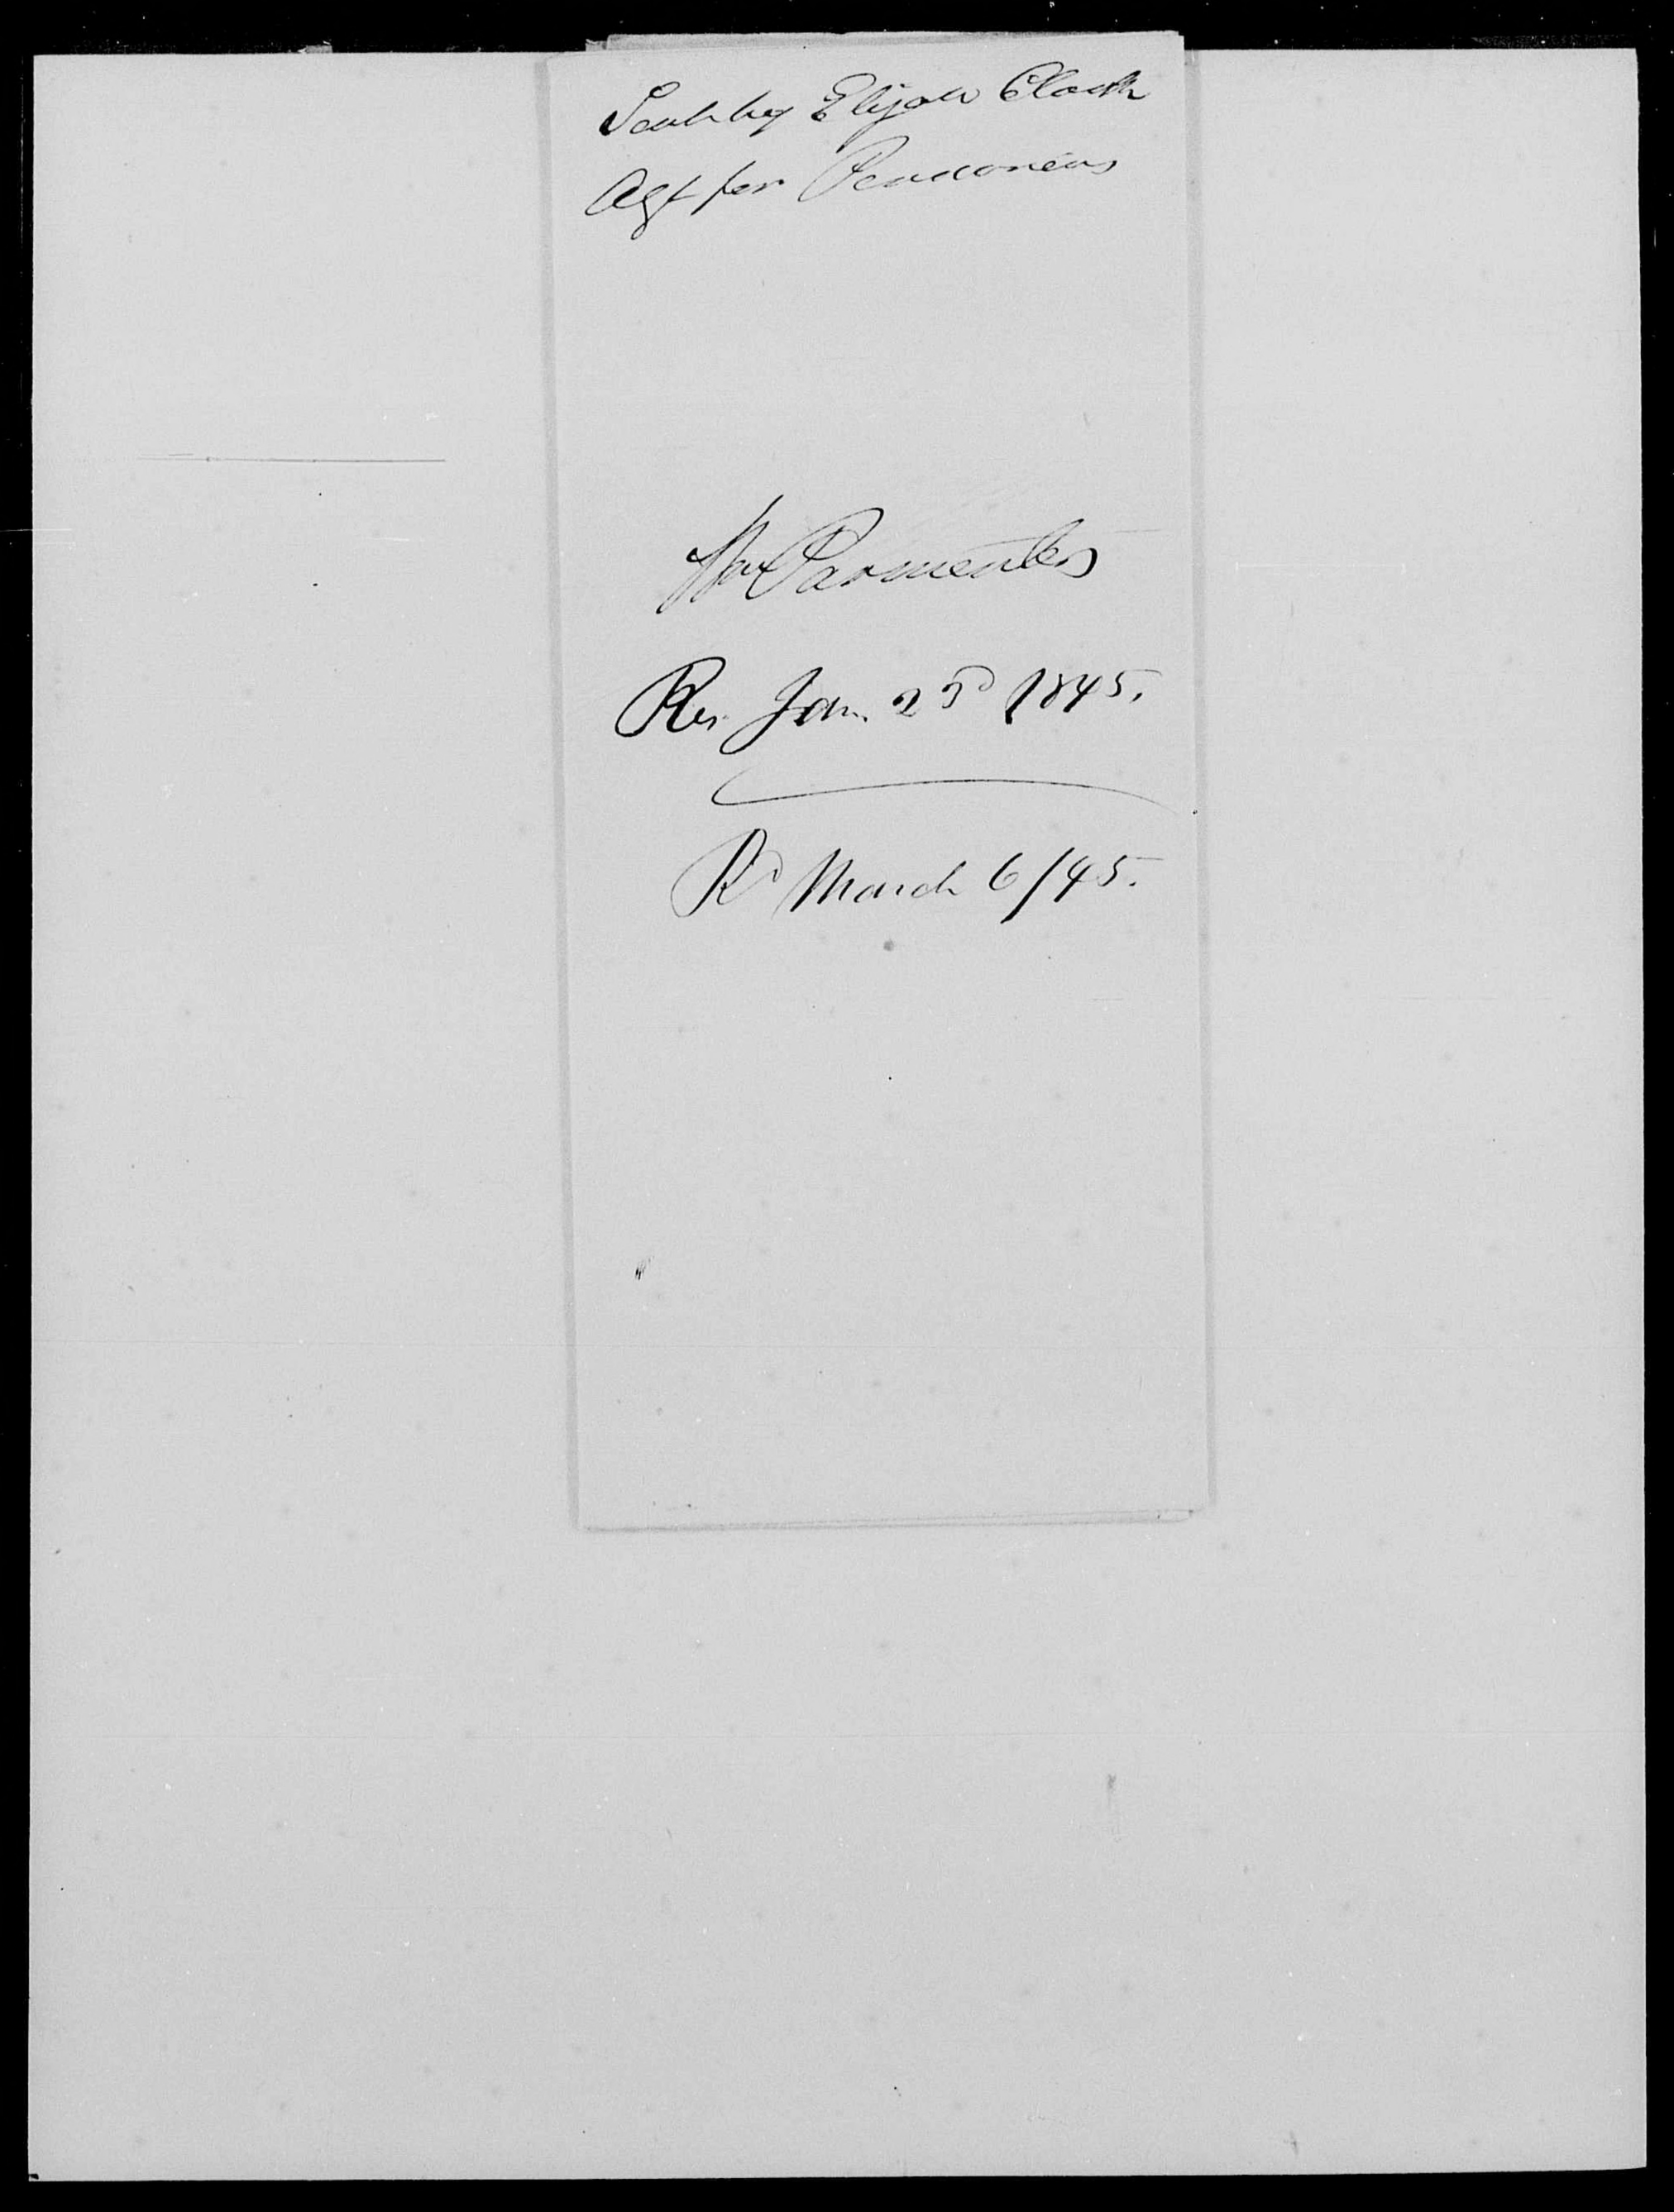[illegible] Parmenter
Res. Jan 25 1845
Rd March 6/45.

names: Elijah Clark; Thos Parmenter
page: 49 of 54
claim: widow's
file: W. 26,897, for George Pitts, Massachusetts